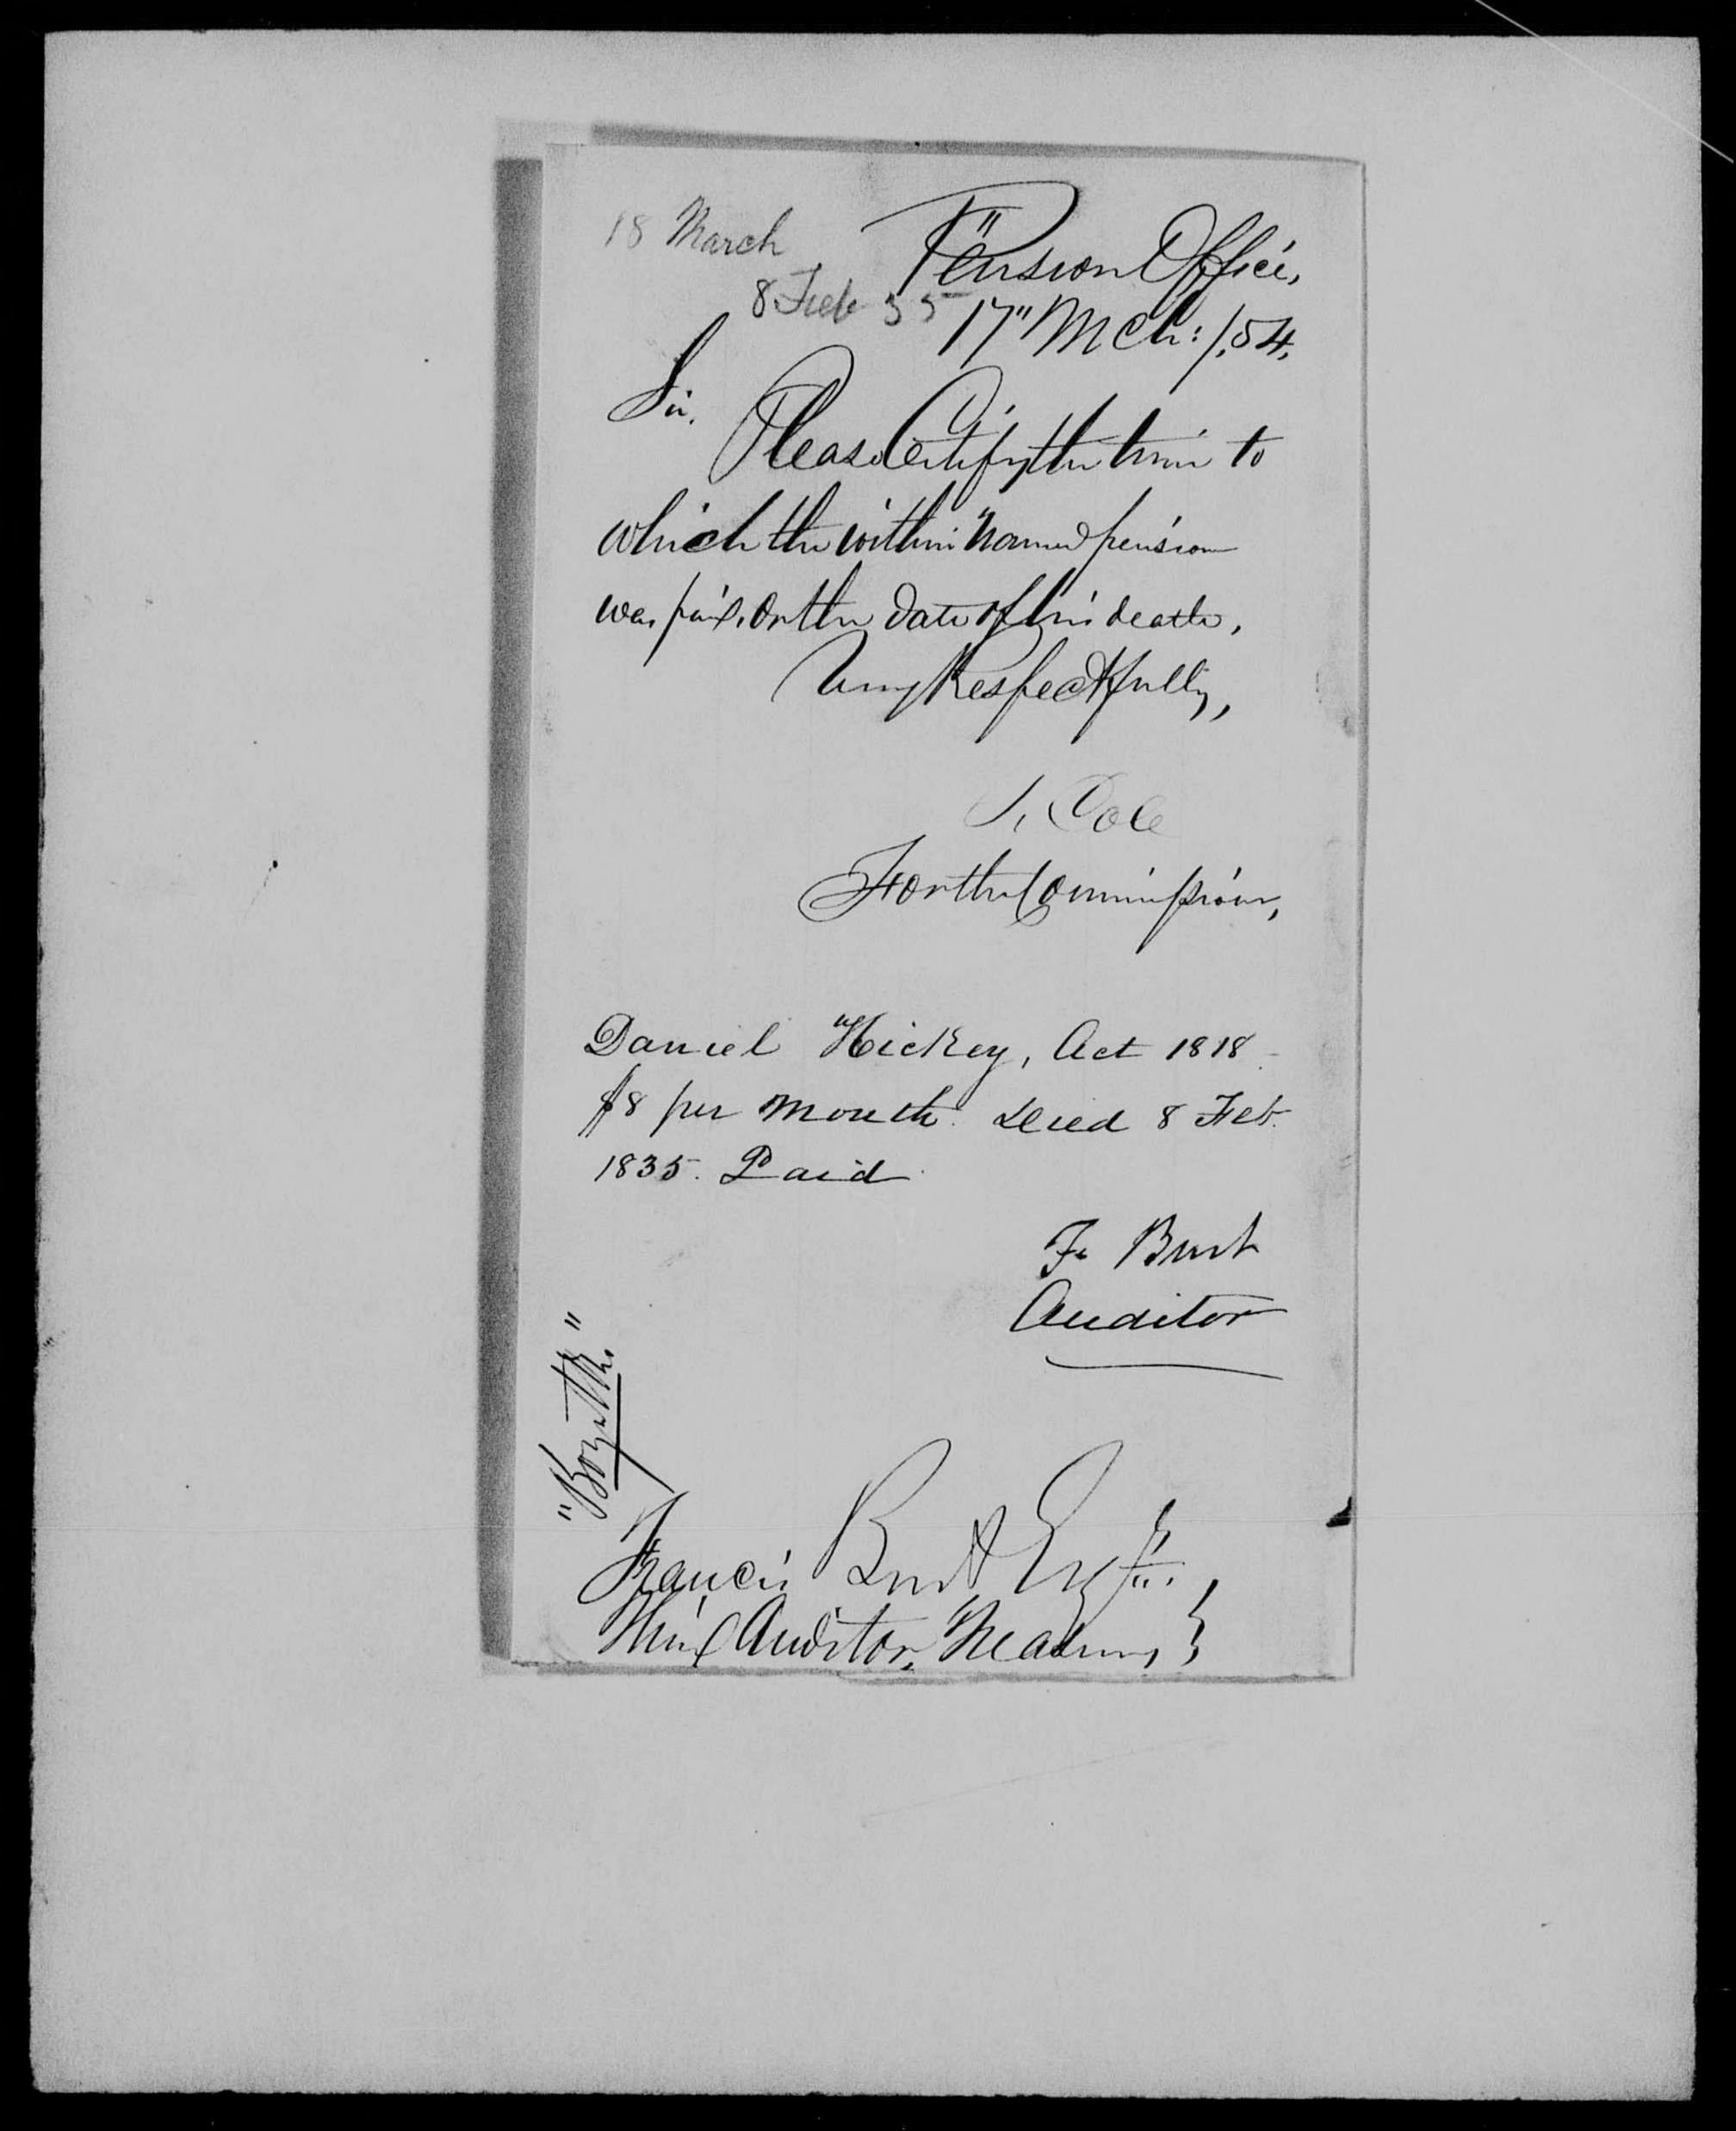18 March
8 Feb 35
Pension Office,
17" Mch:/54,
Sir,
Please certify the time to which the within named pension was paid, or the date of his death,
Very Respectfully,
J. Cole
For the Commissioner,
Daniel Hickey, Act 1818
$8 per month. Died 8 Feb. 1835. Paid
F. Burt
Auditor
"Boynton"
Francis Burt Esq for
Third Auditor, Greading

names: S Cole, Daniel Hickey, F Burt, Boynton, Francis Burt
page: 22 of 84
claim: widow's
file: W. 7744, Daniel Hickey, Penn.